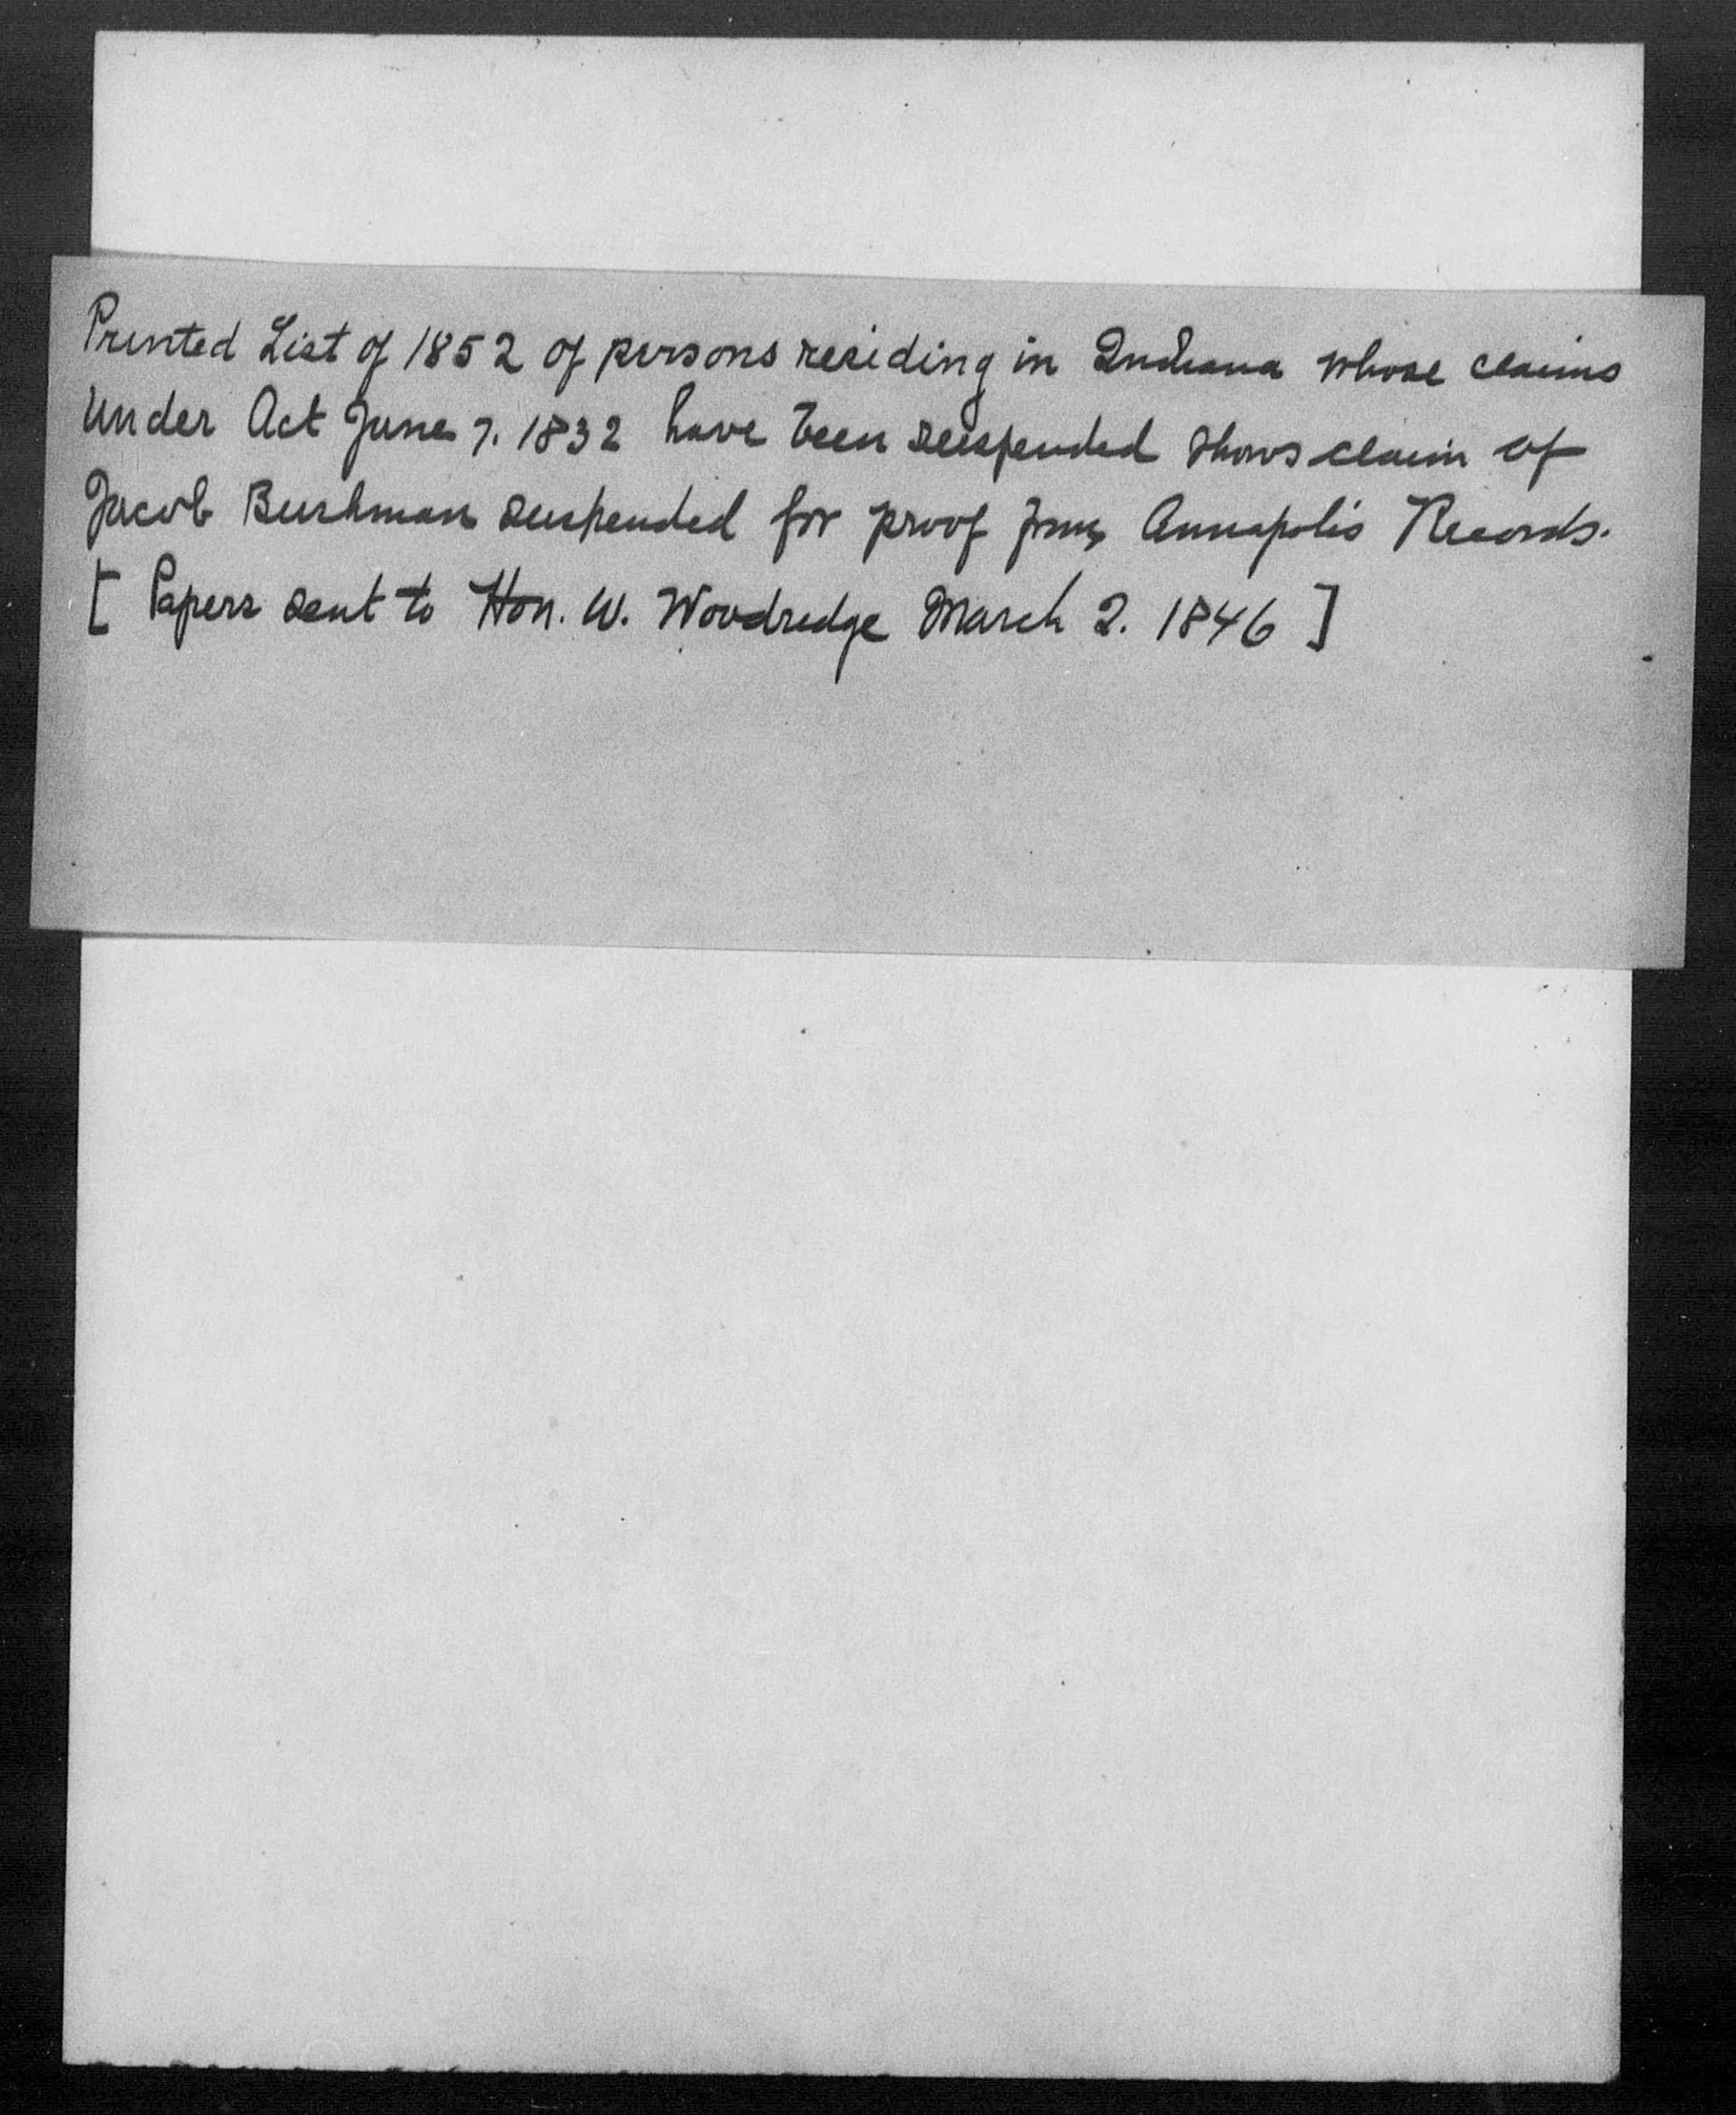Printed List of 1852 of persons residing in Indiana whose claims Under Act June 7, 1832 have been suspended shows claim of Jacob Bushman suspended for proof from Annapolis Records. (Papers sent to Hon. W. Woodridge March 2, 1846)
[all handwritten]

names: Jacob Bushman, W Woodridge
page: 4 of 8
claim: rejected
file: R. 1535, Jacob Bushman, Md